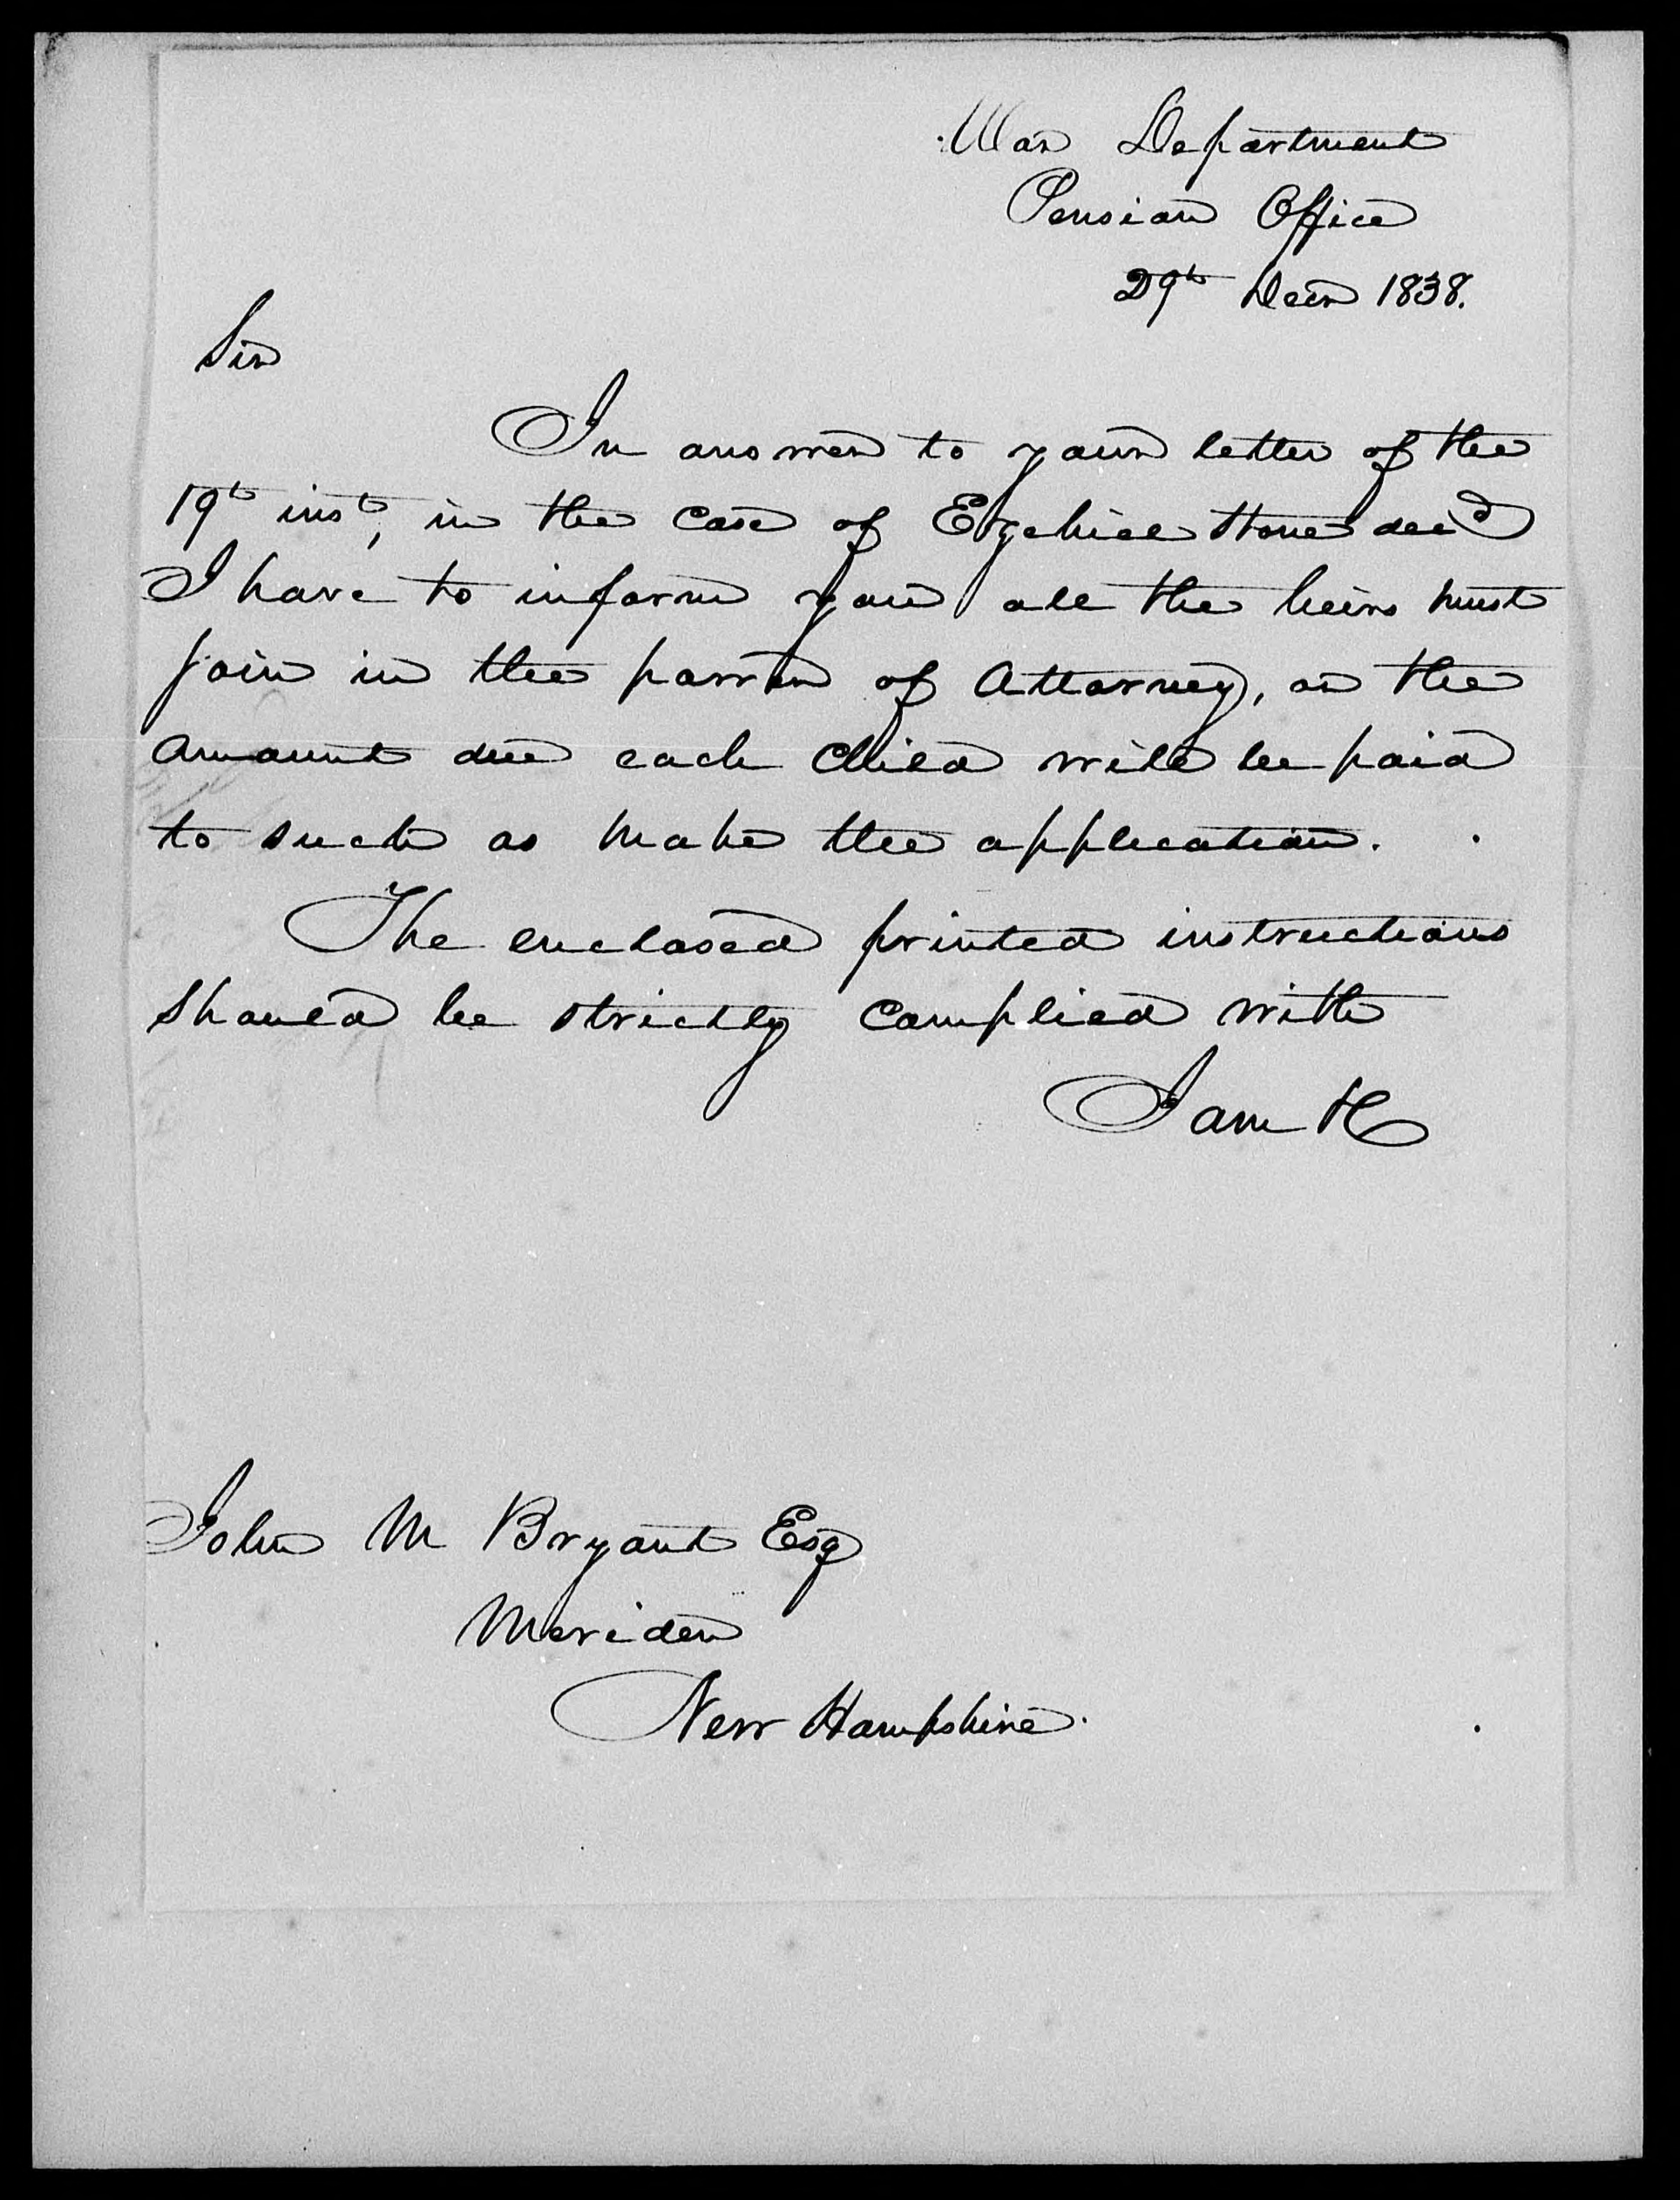War Department
Pension Office
29th Decr 1838.

Sir

In answer to your letter of the 19th inst, in the case of Ezekiel Stone dec'd I have to inform you all the heirs must join in the power of Attorney, as the amount due each child will be paid to such as make the application.

The enclosed printed instructions should be strictly complied with.

I am &c

John M Bryant Esq
Meriden
New Hampshire.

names: Ezekiel Stone; John M Bryant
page: 30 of 38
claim: survivor's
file: S. 43181, for Ezekiel Stone, New Hampshire